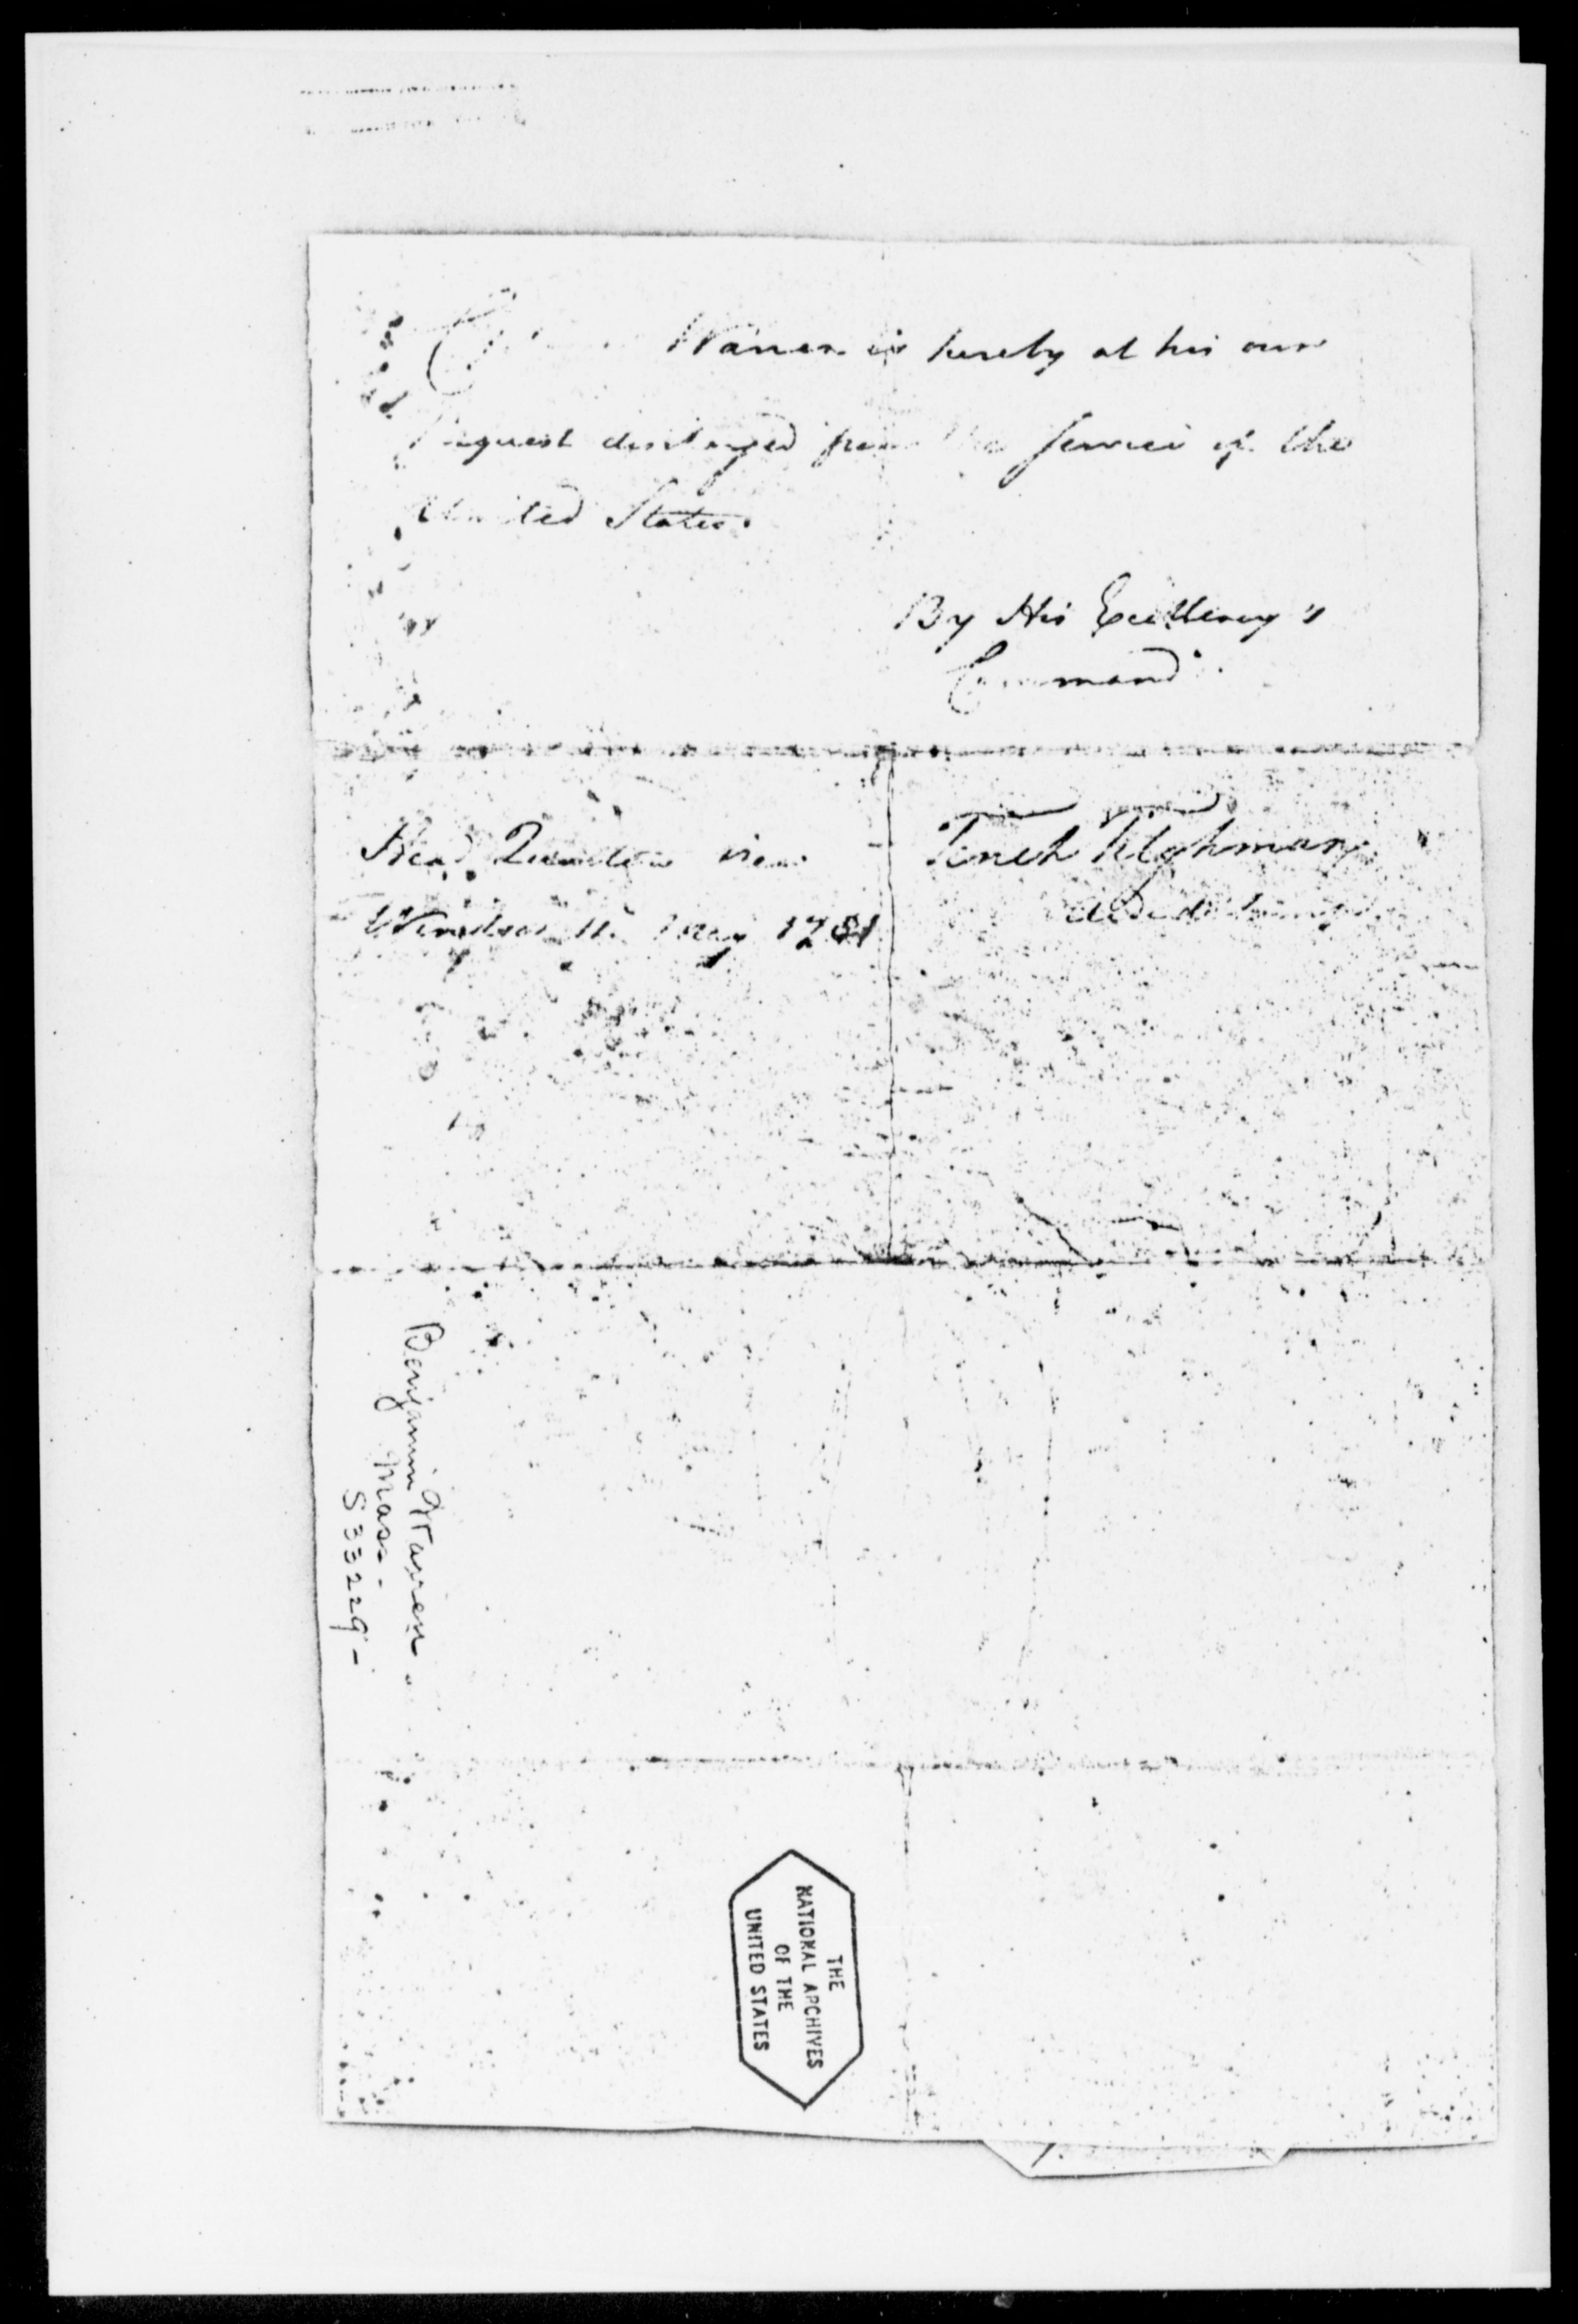Charles Warren is hereby at his own request discharged from the service of the United States.
By His Excellency
Command

Head Quarters (illegible)
Windsor 11 May 1781
Tench Tilghman]
(illegible)

Benjamin Warren, Mass.
S33229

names: Tench Tilghman, Chas Warren, Benjamin Warren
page: 13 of 16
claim: survivor's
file: S. 33229, Benjamin Warren, Mass.